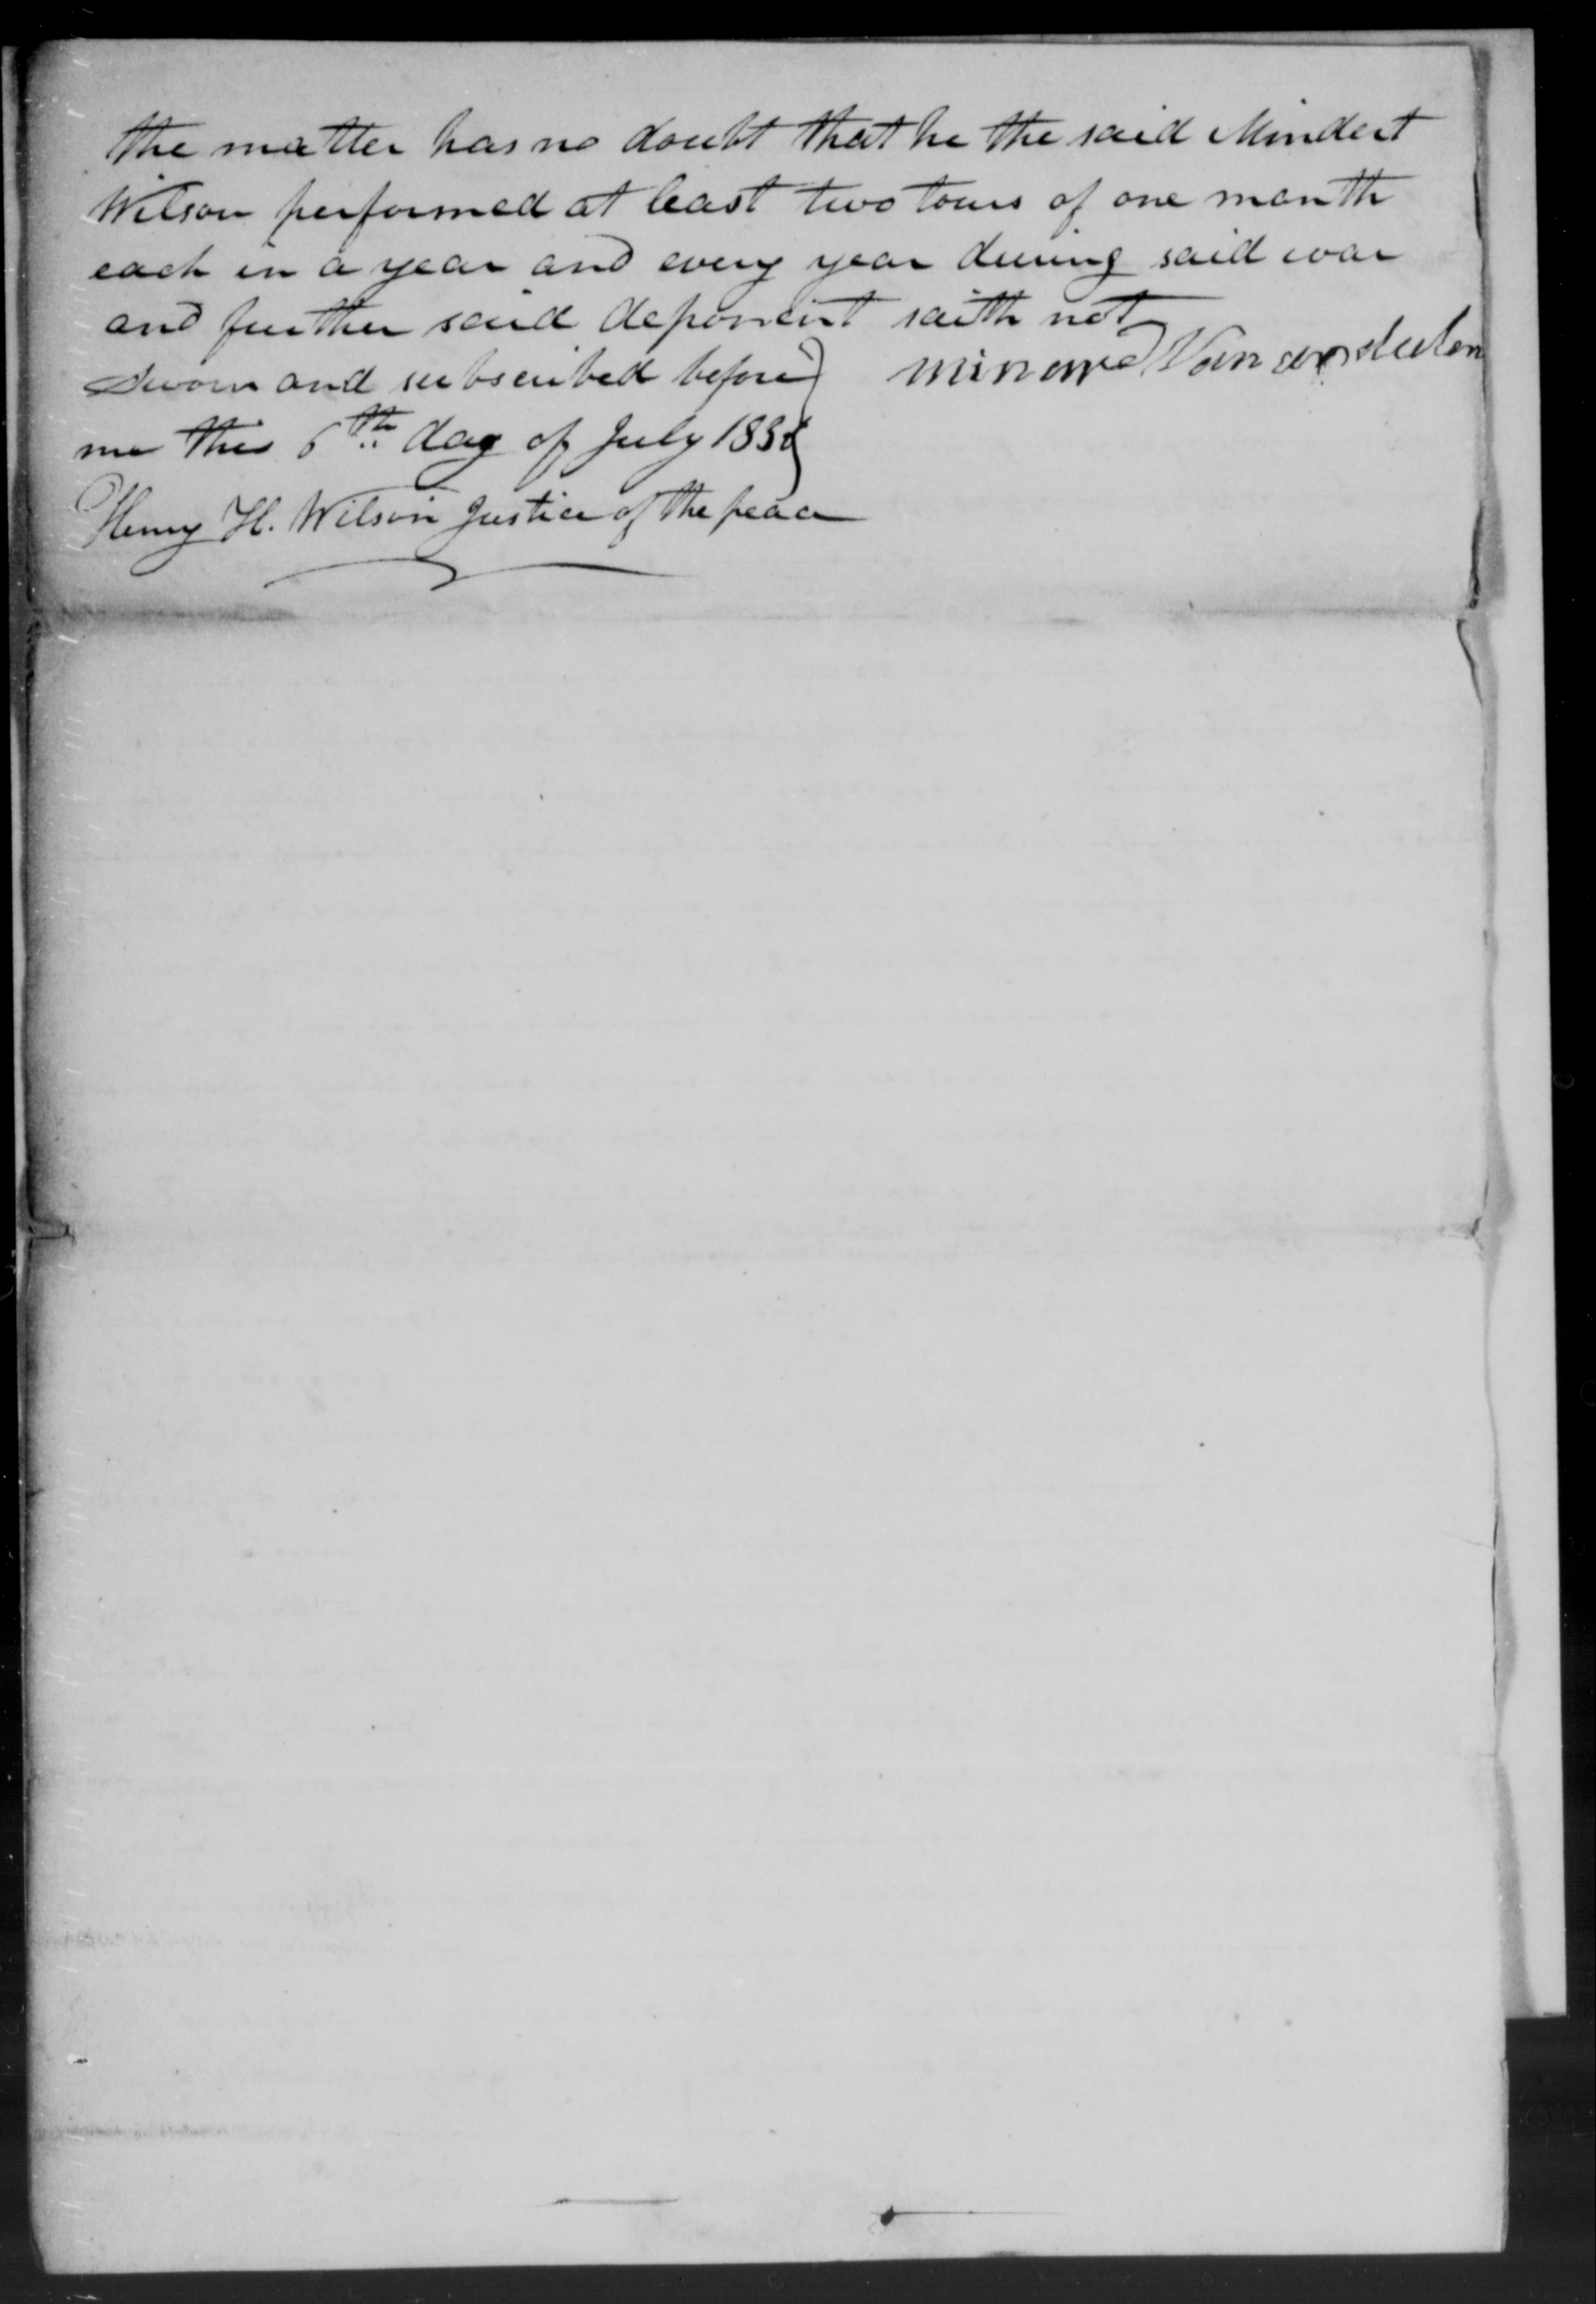the matter has no doubt that he the said Mindert Wilson performed at least two tours of one month each in a year and every year during said war and further said deponent saith not

[signed] minard Van arsdalen

Sworn and subscribed before me this 6th day of July 1836
Henry H. Wilson Justice of the peace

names: Mindert Wilson, Henry H Wilson, Minard Van Arsdalen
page: 33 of 40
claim: survivor's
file: S. 3564, Mindart Wilson, New Jersey